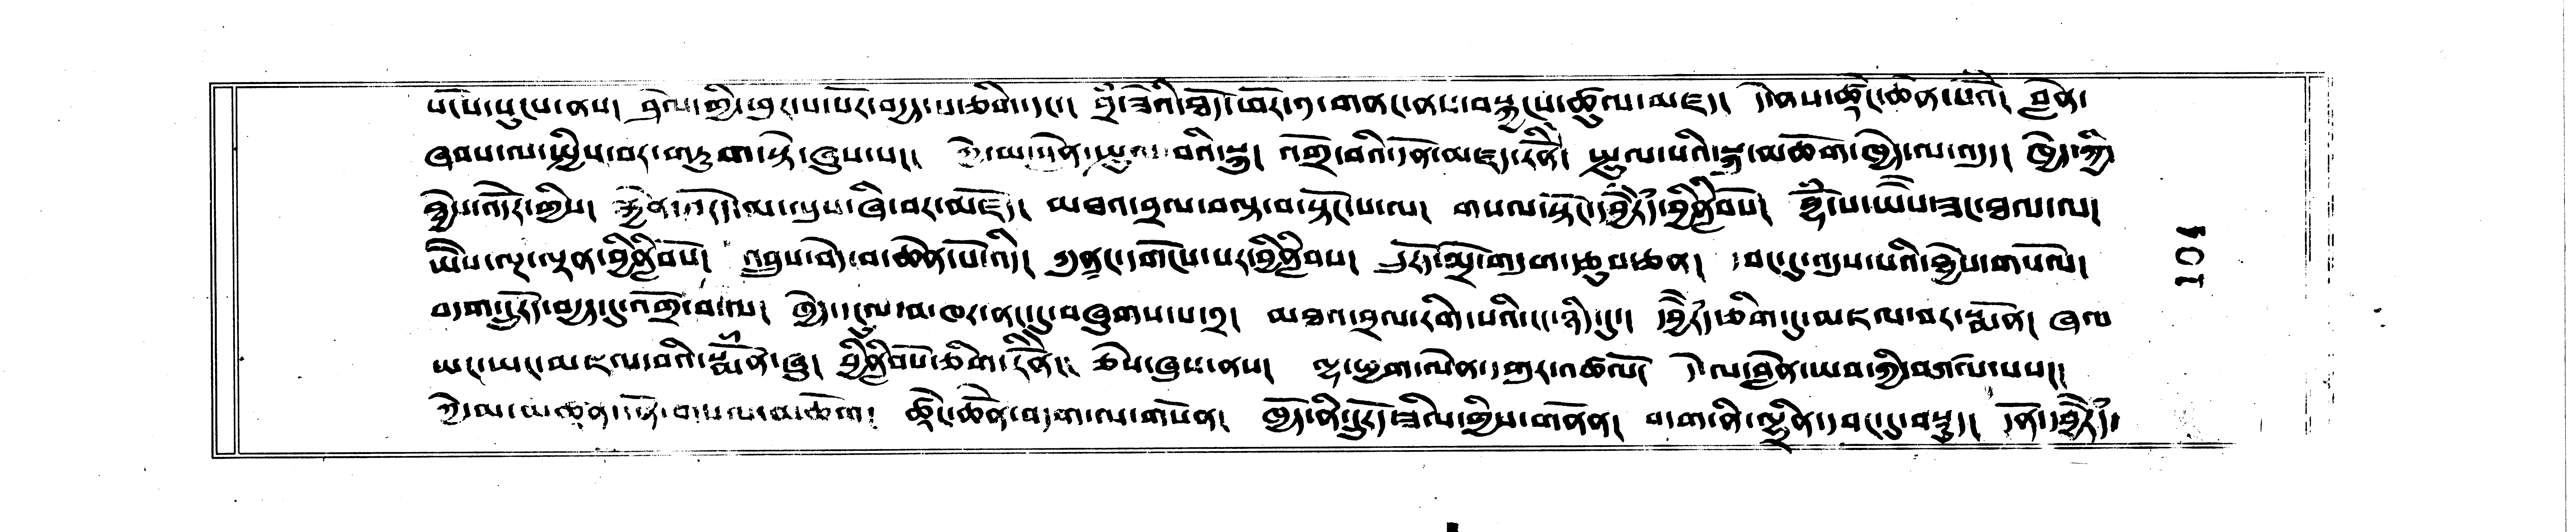སོང་གསུངས་ནས། ཤེལ་གྱི་ཕུར་པ་སོར་བརྒྱད་པ་གཅིག་དང་། བྲམ་ཟེའི་ཐོད་ཕོར་ཅིག་གནང་ནས་བསྐྱངས་ཚུལ་མཛད། དེ་ནས་ཚེ་དབང་ཆེན་པོ་ཡིས། བླ་ཆེན་གྱི་
ཞབས་ལ་སྤྱི་བོས་གཏུགས་ཏེ་ཞུས་པ། ཀྱེ་མ་བླ་ཆེན་སྤྲུལ་པའི་སྐུ། འགྲོ་བའི་དོན་མཛད་རིན་པོ་ཆེ། སྤྲུལ་པའི་སྐུ་མཆོག་ཁྱེད་ལ་འདུད། ཁྱེད་ཀྱི་
ཐུགས་རྗེའི་འོད་ཟེར་གྱིས། རྐྱེན་བར་ཆོད་མ་ལུས་ཞི་བར་མཛོད། མཐའ་བྲལ་ལྟ་བ་སྟོང་པ་ལ། གསལ་སྟོང་དབྱེར་མེད་བྱིན་གྱིས་བརླབས། སྒོམ་པ་ཡེ་ཤེས་ཟང་ཐལ་ལ། 
ཡེ་ཤེས་ལྔ་ལྡན་བྱིན་གྱིས་རློབས། འབྲས་བུ་བདེ་བ་ཆེན་པོ་འདི། ཀུན་བཟང་དགོངས་པར་བྱིན་གྱིས་རློབས། དུར་ཁྲོད་མཁའ་འགྲོ་གདུག་རྩུབ་ཅན། དབང་དུ་འདུས་པའི་ཐུགས་རྗེ་གསོལ། 
བདག་དུར་ཁྲོད་བརྒྱད་དུ་འགྲོ་བ་ལ། ཁྱེད་དངུལ་མཁར་ནང་དུ་བཞུགས་པ་གཉིས། མཐའ་བྲལ་རིག་པའི་ངང་ཉིད་དུ། དབྱེར་མེད་ཅིག་ཏུ་མཇལ་བར་སྨོན། ཞལ་
ཡང་ཡང་མཇལ་བའི་སྨོན་ལམ་ཞུ། བྱིན་གྱིས་རློབས་ཤིག་རིན་པོ་ཆེ། ཅེས་ཞུས་ནས་ལྷ་ཕྱག་ལན་དགུར་འཚལ་ལོ། །དེ་ལ་བླ་ཆེན་ཡབ་ཀྱིས་བཀའ་སྩལ་པ། 
ཀྱེ་མ་མཚན་ལྡན་དོན་གསལ་མཆོག ཚེ་དབང་ཆེན་པོ་བདག་ལ་གསོན། ཁྱོད་ནི་དུར་ཁྲོད་ཟིལ་གྱིས་གནོན། བདག་ནི་ལྷ་སྲིན་དབང་དུ་བསྡུད། དོན་དབྱེར་མེད་